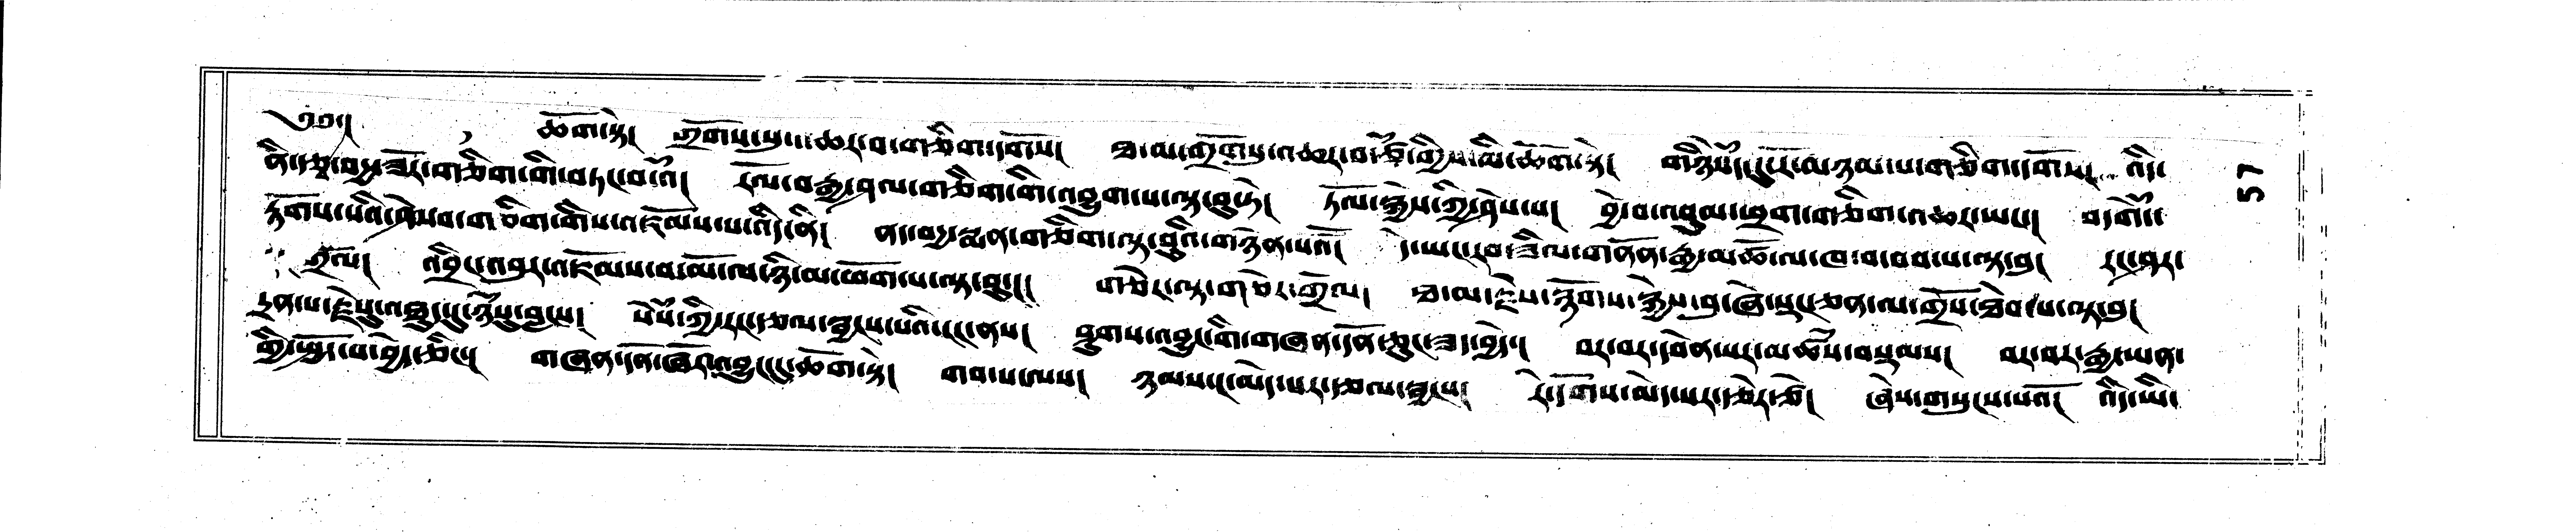ཆོག་སྟེ། གྲོགས་སུ་འཆར་བ་ཞིག་དགོས། ཐ་མ་གྲོགས་སུ་འཆར་བ་ཙམ་གྱིས་མི་ཆོག་སྟེ། གཉིས་མེད་དུ་རོ་མཉམ་པ་ཞིག་དགོས། འདི་
ནི་རྩྭ་རྒྱ་ཟོར་བ་གཅིག་གིས་བཏང་བའམ། རོལ་བརྒྱ་ཤལ་གཅིག་གིས་དབྱུགས་པ་ལྟ་བུ་སྟེ། ཏོལ་སྐྱེས་ཀྱི་ཤེས་པ། བྱེ་བ་འབུམ་ཕྲག་ཅིག་འཆར་ཡང་། བདག་མེད་
རྟོགས་པའི་ཤེས་རབ་གཅིག་གིས་འཇོམས་པ་འདི་ནི། ནད་བརྒྱ་སྨན་གཅིག་ལྟ་བུའི་གཉེན་པོའོ། །དེ་ཡང་རབ་ཟིལ་གནོན་རྒྱ་མཚོ་ལ་ཁ་བ་བབས་པ་ལྟ་བུ། རང་ཤར་
རང་གྲོལ། འབྲིང་འབུར་འཇོམས་བ་མོ་ལ་ཉི་མ་ཕོག་པ་ལྟ་བུ། གཅེར་ལྟ་གཅེར་གྲོལ། ཐ་མ་རྗེས་སྙོགས་སྐྱེས་བུ་ཞེ་སྡང་ཅན་ལ་གྲོས་ཐེབས་པ་ལྟ་བུ། 
དྲན་པ་རྗེས་སུ་མཐུད་དུ་ཉམས་སུ་བླང་། སེམས་ཀྱི་རང་རྩལ་སྦྱངས་པའི་ངང་ནས། ཤུགས་འབྱུང་གི་གཞན་དོན་ཅུང་ཟད་བྱེད། བར་བར་དབེན་པར་མཚམས་བསྡམས། བར་བར་རྒྱ་ཡན་
གྱི་སྤྱོད་པ་བྱེད་ཅིང་། གཞན་དོན་ཞོར་འབྱུང་དུ་ཆོག་སྟེ། གབ་པ་ལས། ཉམ་ང་མེད་པར་རྩལ་སྦྱངས། རེ་དྭོགས་མེད་པར་རྩེར་རྩེ། ཞེས་གསུངས་པའོ། །འདི་ཡི་